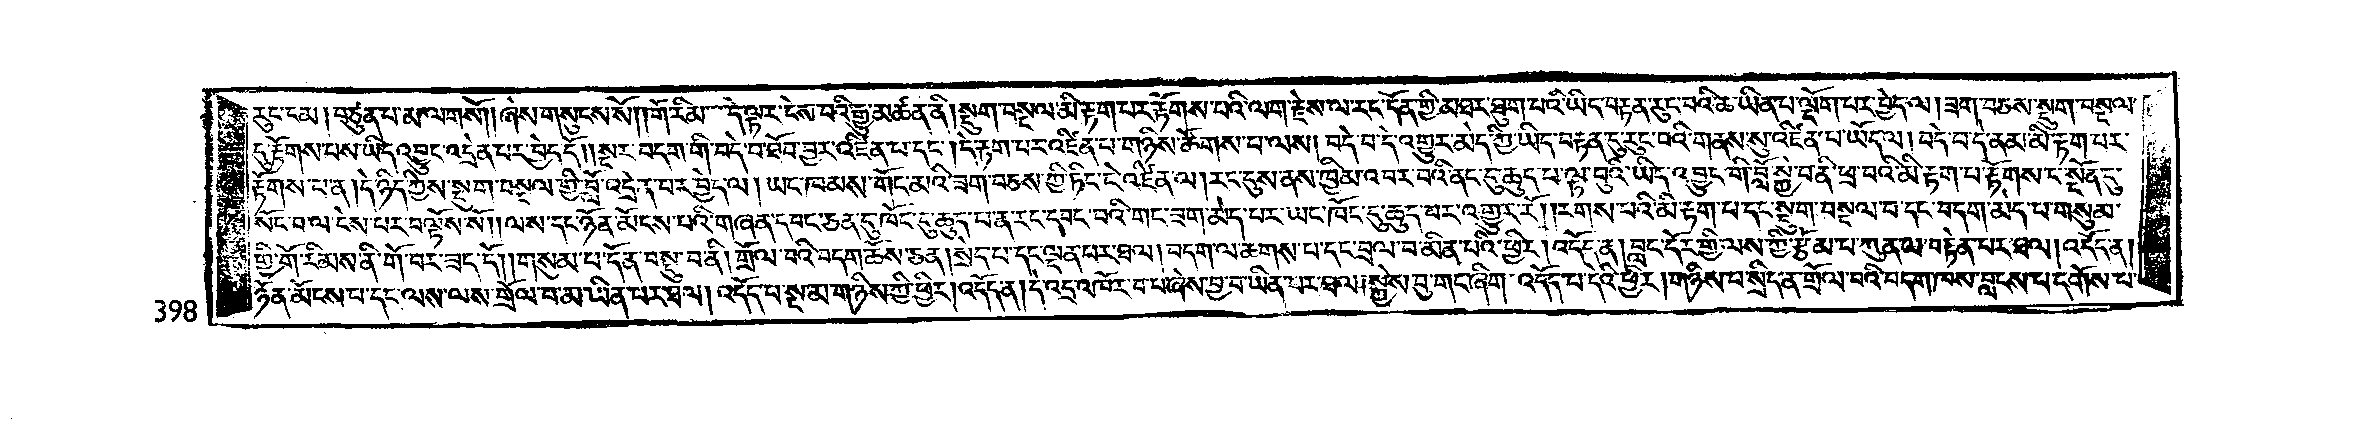རུང་དམ། བཙུན་?་པ་མ་ལགས་སོ། །ཞེས་གསུངས་སོ། །གོ་རིམ་དེ་ལྟར་ངེས་བའི་རྒྱུ་མཚན་ནི། སྡུག་བསྔལ་མི་རྟག་པར་རྟོགས་པའི་ལག་རྗེས་ལ་རང་དོན་གྱི་མཐར་ཐུག་པའི་ཡིད་བརྟན་རུང་བའི་ཆ་ཡིན་པ་ལྡོག་པར་བྱེད་ལ། ཟག་བཅས་སྡུག་བསྔལ་
དུ་རྟོགས་པས་ཡིད་འབྱུང་འདྲེན་པར་བྱེད་དོ། །སྔར་བདག་གི་བདེ་བ་ཐོབ་བྱར་འཛིན་པ་དང་། དེ་རྟག་པར་འཛིན་པ་གཉིས་ཚོགས་པ་ལས། བདེ་བ་དེ་འགྱུར་མེད་ཀྱི་ཡིད་བརྟན་དུ་རུང་བའི་གནས་སུ་འཛིན་པ་ཡོད་ལ། བདེ་བ་དེ་ནམ་མི་རྟག་པར་
རྟོགས་པ་ན། དེ་ཉིད་ཀྱིས་སྡུག་བསྔལ་གྱི་བློ་འདྲེན་པར་བྱེད་ལ། ཡང་ཁམས་གོང་མའི་ཟག་བཅས་ཀྱི་ཏིང་ངེ་འཛིན་ལ། རང་དུས་ནས་ཁྱིམ་འབར་བའི་ནང་དུ་ཆུད་པ་ལྟ་བུའི་ཡིད་འབྱུང་གི་བློ་སྐྱེ་བ་ནི་ཕྲ་བའི་མི་རྟག་པ་རྟོགས་པ་སྔོན་དུ་
སོང་བ་ལ་ངེས་པར་བལྟོས་སོ། །ལས་དང་ཉོན་མོངས་པའི་གཞན་དབང་ཅན་དུ་ཁོང་དུ་ཆུད་པ་ན་རང་དབང་བའི་གང་ཟག་མེད་པར་ཡང་ཁོང་དུ་ཆུད་པར་འགྱུར་རོ། །རགས་པའི་མི་རྟག་པ་དང་སྡུག་བསྔལ་བ་དང་བདག་མེད་པ་གསུམ་
གྱི་གོ་རིམས་ནི་གོ་བར་ཟད་དོ། །གསུམ་པ་དོན་བསྡུ་བ་ནི། གྲོལ་བའི་བདག་ཆོས་ཅན། སྲེད་པ་དང་ལྡན་པར་ཐལ། བདག་ལ་ཆགས་པ་དང་བྲལ་བ་མིན་པའི་ཕྱིར། འདོད་ན། བླང་དོར་གྱི་ལས་ཀྱི་རྩོམ་པ་ཀུན་ལ་བརྟེན་པར་ཐལ། འདོད་ན།
ཉོན་མོངས་པ་དང་ལས་ལས་གྲོལ་བ་མ་ཡིན་པར་ཐལ། འདོད་པ་སྔ་མ་གཉིས་ཀྱི་ཕྱིར། འདོད་ན། དེ་འདྲ་འཁོར་བ་པ་ཞེས་བྱ་བ་ཡིན་པར་ཐལ། སྐྱེས་བུ་གང་ཞིག་འདོད་པ་དེའི་ཕྱིར། གཉིས་པ་སྲིད་ན་གྲོལ་བའི་བདག་ཁས་བླངས་པ་དགོས་པ་